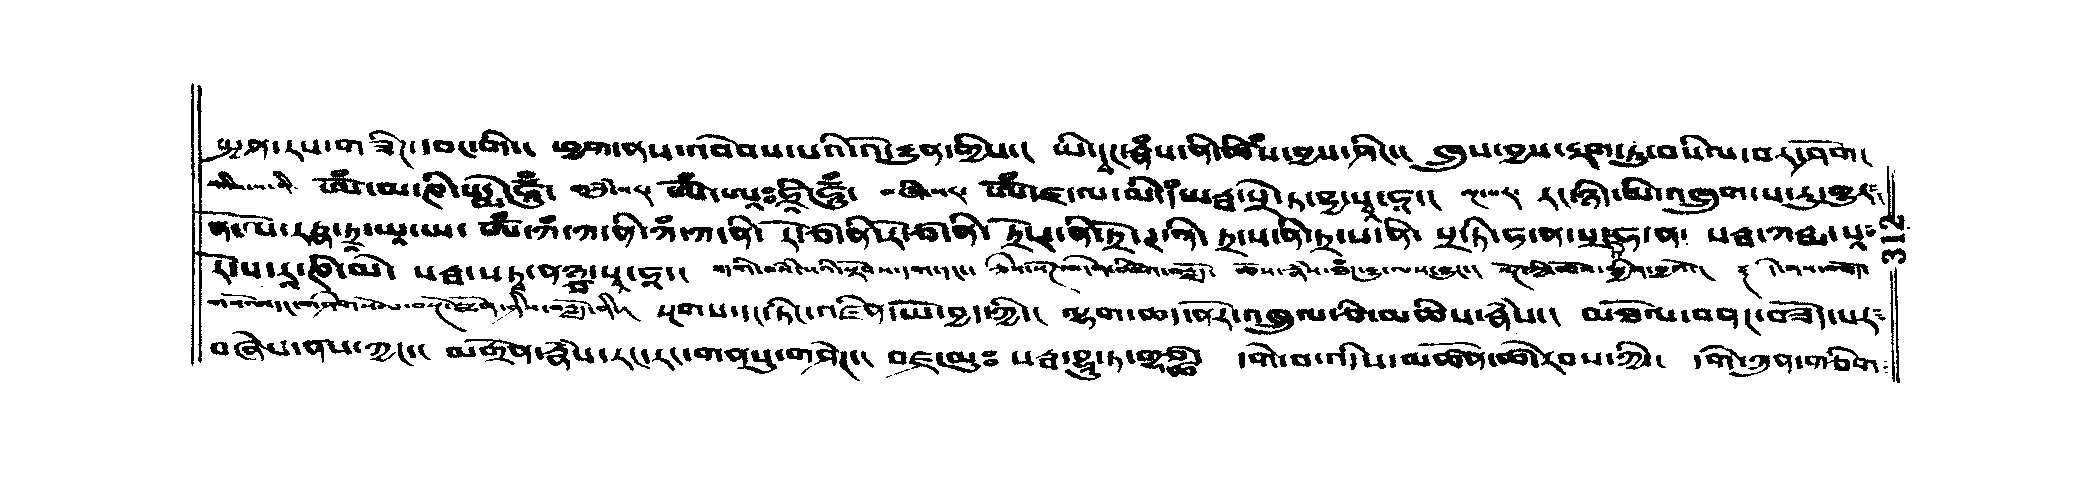སྤྱན་རས་གཟིགས་དབང་གི་ཕྱག་ནས་འབེབས་པའི་འོ་རྒྱུན་གྱིས། །ཡི་དྭགས་རྣམས་ནི་ཚིམས་བྱས་ཤིང་། ཁྲུས་བྱས་རྟག་ཏུ་བསིལ་བར་ཤོག་། 
གཉིས་པ་ནི། ཨོྃ་མ་ཎི་པདྨེ་ཧཱུྃ། བཞི་པར། ཨོྃ་ཛ་ལ་ཡི་དཾ་སརྦ་པྲེ་ཏ་བྷྱ་སྭཱ་ཧཱ། ལྔ་པར ། རང་ཉིད་མི་འཁྲུག་པ་རུ་གྱུར། 
ན་མོ་རཏྣ་ཏྲཱ་ཡཱ་ཡ། ཨོྃ་ཀཾ་ཀ་ནི་ཀཾ་ཀ་ནི། རོ་ཙ་ནི་རོ་ཙ་ནི། ཏྲོ་ཊ་ནི་ཏྲོ་ཊ་ནི། ཏྲ་ས་ནི་ཏྲ་ས་ནི། པྲ་ཏི་ཧ་ན་པྲ་ཏི་ཧ་ན། སརྦ་ཀརྨ་པཱ་
རོ་ས་རཱ་ཎི་མེ། སརྦ་སཏྭ་ནཉྩ་སྭཱ་ཧཱ། བདག་གི་བསམ་པའི་སྟོབས་དག་དང་། །ཅེས་སོགས་བདེན་ཚིག་བརྗོད། ཆོས་རྣམས་ཐམས་ཅད་རྒྱུ་ལས་བྱུང་། །སོགས་ཀྱི་ཆོས་སྦྱིན་བྱའོ། ༈ དེ་ནས་མཆོད་
གསོལ་དང་གཤེགས་གསོལ་བསྔོ་སྨོན་ཤིས་བརྗོད་ནི། སྔགས་དང་ཏིང་འཛིན་ཡོ་བྱད་ཀྱི། །ལྷག་ཆད་ནོར་འཁྲུལ་ཅི་མཆིས་རྣམས། །མཐོལ་བཤགས་བཟོད་པར་
བཞེས་ནས་ཀྱང་། །མགྲོན་རྣམས་རང་རང་གནས་སུ་གཤེགས། །བཛྲ་མུཿསརྦ་བྷུ་ཏ་གྷཙྪ།དགེ་བ་འདིས་མཚོན་ཚེ་རབས་ཀྱི། །དགེ་ཀུན་གཅིག་